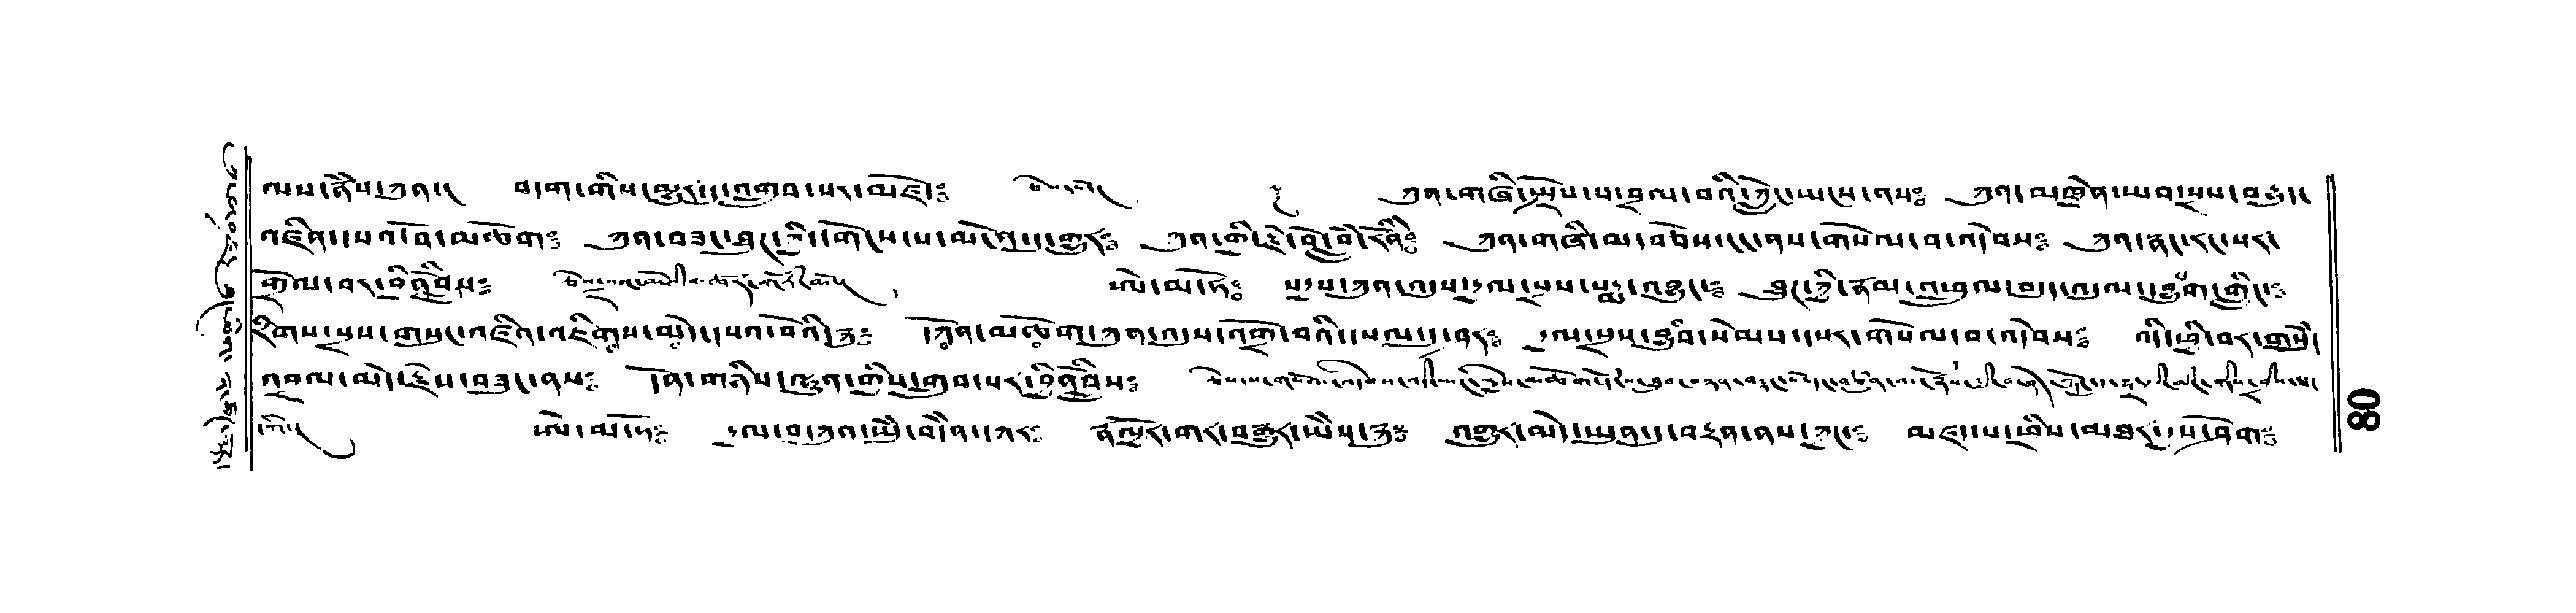ལས་རྣམས་ཀུན༔ བདག་གིས་མྱུར་དུ་འགྲུབ་པར་མཛོད༔ ཅེས་སོ།། ༈ ཀུན་གཞི་སྤྲོས་པ་བྲལ་བའི་ཀློང་ཡངས་ནས༔ ཀུན་མཁྱེན་ཡབ་སྲས་བརྒྱུད་
འཛིན་དཔའ་བོ་མཆོག༔ ཀུན་བཟང་ཐུགས་ཀྱི་དགོངས་པ་མངོན་དུ་གྱུར༔ ཀུན་གྱི་རྗེ་བོ་བླ་མ་རིན་པོ་ཆེ༔ ཀུན་གཞི་མ་བཅོས་ངང་ནས་གསོལ་བ་འདེབས༔ ཀུན་སྣང་རང་སར་
གྲོལ་བར་བྱིན་གྱིས་རློབས༔ ཅེས་སྤྲང་མོའི་མཚར་གཏམ་མོ།། ཨེ་མ་ཧོཿ སངས་རྒྱས་ཀུན་འདུས་རྒྱལ་སྲས་པདྨ་འབྱུང༔ ཐུགས་ཀྱི་རྣལ་འཕྲུལ་བདུ་འདུལ་དབང་ཕྱུག་གླིང༔ 
རིགས་སྲས་གསུང་འཛིན་འཇིགས་མེད་དཔའ་བོའིསྐུ༔ དཀོན་མཆོག་ཀུན་འདུས་འགྲོ་བའི་དཔལ་དུ་ཤར༔ རྒྱས་སྲས་བྱང་ཆུབ་སེམས་དཔར་གསོལ་བ་འདེབས༔ འདི་ཕྱི་བར་གསུམ་
འབྲལ་མེད་རྗེས་བཟུང་ནས༔ དོན་གཉིས་ལྷུན་གྱིས་གྲུབ་པར་བྱིན་གྱིས་རློབས༔ཅེས་པའི་གསོལ་འདེབས་འདི་ཡང་སྐྱེས་མཆོག་དམ་པ་ཐུབ་བསྟན་བཟང་པོ་དང་བཙུན་མ་རྣམས་ཀྱི་བཞེད་སྐོང་དུ་བྷ་དྲའི་མིང་གིས་བྲིས་པ་
དགེའོ།། ཨེ་མ་ཧོ༔ རྒྱལ་བ་ཀུན་ཡུམ་བདེ་ཆེན་དཀར༔ རྣལ་འབྱོར་གར་བསྒྱུར་ཡེ་ཤེས་སྐུ༔ འགྱུར་མེད་ཡུན་དུ་བརྟན་ནས་ཀྱང༔ མཛད་པ་ཕྲིན་ལས་མཐར་རྒྱས་ཤོག༔